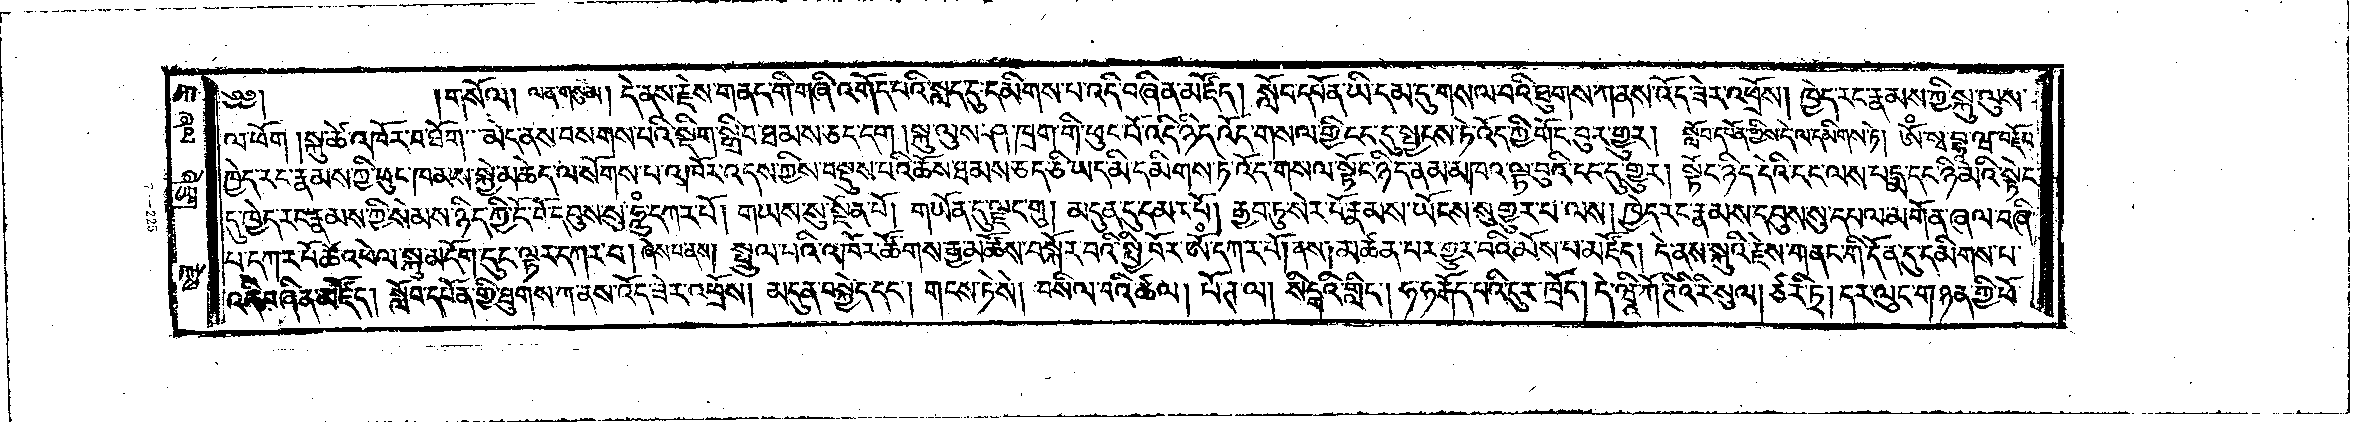༄༅། །གསོལ། ལན་གསུམ།  དེ་ནས་རྗེས་གནང་གི་གཞི་འགོད་པའི་སླད་དུ་དམིགས་པ་འདི་བཞིན་མཛོད། སློབ་དཔོན་ཡི་དམ་དུ་གསལ་བའི་ཐུགས་ཀ་ནས་འོད་ཟེར་འཕྲོས། །ཁྱེད་རང་རྣམས་ཀྱི་སྐུ་ལུས་
ལག་གོ །སྐུ་ཚེ་འཁོར་བ་ཐོག་མེད་ནས་བསགས་པའི་སྡིག་སྒྲིབ་ཐམས་ཅད་དག །སྐུ་ལུས་ཤ་ཁྲག་གི་ཕུང་པོ་འདི་ཉིད་འོད་གསལ་གྱི་ངང་དུ་སྦྱངས་ཏེ་འོད་ཀྱི་གོང་བུར་གྱུར། སློབ་དཔོན་གྱིས་དེ་ལ་དམིགས་ཏེ།  ཨོཾ་སྭ་བྷཱ་ཝ་བརྗོད།
ཁྱེད་རང་རྣམས་ཀྱི་ཕུང་ཁམས་སྐྱེ་མཆེད་ལ་སོགས་པ་འཁོར་འདས་ཀྱིས་བསྡུས་པའི་ཆོས་ཐམས་ཅད་ཅི་ཡང་མི་དམིགས་ཏེ་འོད་གསལ་སྟོང་ཉིད་ནམ་མཁའ་ལྟ་བུའི་ངང་དུ་གྱུར། སྟོང་ཉིད་དེའི་ངང་ལས་པདམ་དང་ཉི་མའི་སྟེང་
དུ་ཁྱེད་རང་རྣམས་ཀྱི་སེམས་ཉིད་ཀྱི་ངོ་བོ་དབུས་སུ་ཧཱུཾ་དཀར་པོ། གཡས་སུ་སྔོན་པོ། གཡོན་དུ་ལྗང་གུ། མདུན་དུ་དམར་པོ། རྒྱབ་ཏུ་སེར་པོ་རྣམས་ཡོངས་སུ་གྱུར་པ་ལས། ཁྱེད་རང་རྣམས་དབུས་སུ་དཔལ་མགོན་ཞལ་བཞི་
པ་དཀར་པོ་ཚེ་འཕེལ་སྐུ་མདོག་དུང་ལྟར་དཀར་པ། ཞེས་པ་ནས།  སྤྲུལ་པའི་འཁོར་ཚོགས་རྒྱ་མཚོས་བསྐོར་བའི་སྤྱི་བོར་ཨོཾ་དཀར་པོ། ནས།  མཚན་པར་གྱུར་པའི་མོས་པ་མཛོད། དེ་ནས་སྐུའི་རྗེས་གནང་གི་དོན་དུ་དམིགས་པ་
འདི་བཞིན་མཛོད། སློབ་དཔོན་གྱི་ཐུགས་ཀ་ནས་འོད་ཟེར་འཕྲོས། མདུན་བསྐྱེད་དང་། གངས་ཏེ་སེ། བསིལ་བའི་ཚལ། པོ་ཊ་ལ། སིངྒའི་གླིང་། ཧ་ཧ་རྒོད་པའི་དུར་ཁྲོད། དེ་ཝཱི་ཀོ་ཏིའི་རི་སུ་ལ། ཙ་རི་ཏྲ། ད་རི་ལུང་གཏན་གྱི་ཕོ་